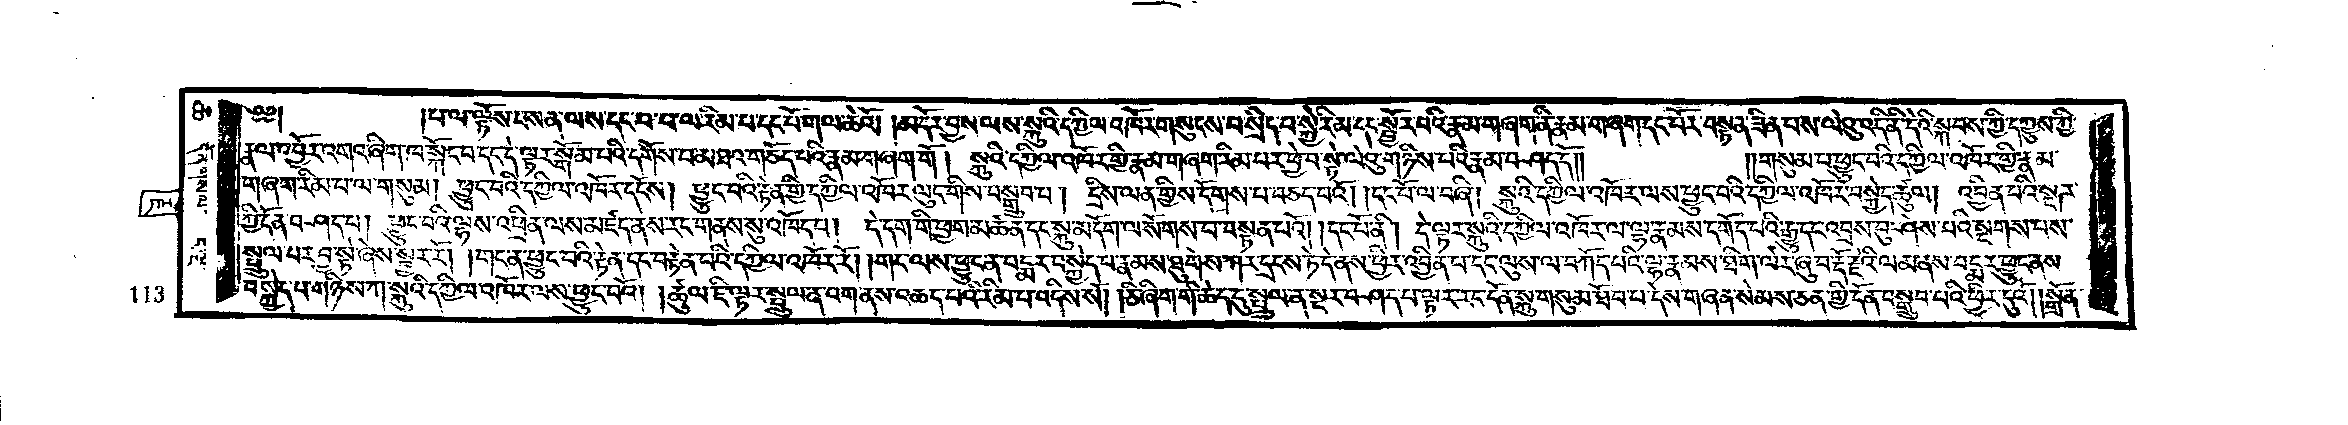༄༅། །པ་ལ་ལྟོས་པས་ན་ལས་དང་པོ་པ་ལ་རིམ་པ་དང་པོ་གལ་ཆེའོ། །མདོར་བྱས་ལས་སྐུའི་དཀྱིལ་འཁོར་གསུངས་པ་སྲིད་པ་སྐྱེ་རིམ་དང་སྦྱོར་བའི་རྣམ་གཞག་ནི་རྣམ་གཞག་དང་པོར་བསྟན་ཟིན་པས་ལེའུ་འདི་ནི་དེའི་སྐབས་ཀྱི་དཀྱུས་ཀྱི་
རྣལ་འབྱོར་འགའ་ཞིག་ཁ་སྐོང་བ་དང་དེ་ལྟར་སྒོམ་པའི་དགོས་པ་མཐའ་གཅོད་པའི་རྣམ་གཞག་གོ །སྐུའི་དཀྱིལ་འཁོར་གྱི་རྣམ་གཞག་རིམ་པར་ཕྱེ་བ་སྟེ་ལེའུ་གཉིས་པའི་རྣམ་བཤད་དོ།། །།གསུམ་པ་ཕྱུང་བའི་དཀྱིལ་འཁོར་གྱི་རྣམ་
གཞག་རིམ་པ་ལ་གསུམ། ཕྱུང་བའི་དཀྱིལ་འཁོར་དངོས། ཕྱུང་བའི་རྟེན་གྱི་དཀྱིལ་འཁོར་ལུང་གིས་བསྒྲུབ་པ། དྲིས་ལན་གྱིས་དོགས་པ་བཅད་པའོ། །དང་པོ་ལ་བཞི། སྐུའི་དཀྱིལ་འཁོར་ལས་ཕྱུང་བའི་དཀྱིལ་འཁོར་བསྐྱེད་ཚུལ། འབྱིན་པའི་སྔགས་
ཀྱི་དོན་བཤད་པ། ཕྱུང་བའི་ལྷས་འཕྲིན་ལས་མཛད་ནས་རང་གནས་སུ་འཁོད་པ། དེ་དག་གི་ཕྱག་མཚན་དང་སྐུ་མདོག་ལ་སོགས་པ་བསྟན་པའོ། །དང་པོ་ནི། དེ་ལྟར་སྐུའི་དཀྱིལ་འཁོར་ལ་ལྷ་རྣམས་དགོད་པའི་རྒྱུ་དང་འབྲས་བུ་ཤེས་པའི་སྔགས་པས་
སྤྲུལ་བར་བྱ་སྟེ་ཞེས་སྦྱར་རོ། །གང་ན་ཕྱུང་བའི་རྟེན་དང་བརྟེན་པའི་དཀྱིལ་འཁོར་རོ། །གང་ལས་ཕྱུང་ན་པདམར་བསྐྱེད་པ་རྣམས་ཐུགས་ཀར་དྲངས་ཏེ་དེ་ནས་ཕྱིར་འབྱིན་པ་དང་ལུས་ལ་བཀོད་པའི་ལྷ་རྣམས་ཐིག་ལེར་ཞུ་བ་རྡོ་རྗེའི་ལམ་ནས་པདམར་ཕྱུང་ནས་
བསྐྱེད་པ་གཉིས་ཀ་སྐུའི་དཀྱིལ་འཁོར་ལས་ཕྱུང་བའོ། །ཚུལ་ཇི་ལྟར་སྤྲུལ་ན་འོག་ནས་འཆད་པའི་རིམ་པ་འདིས་སོ། །ཅི་ཞིག་གི་ཆེད་དུ་སྤྲུལ་ན་སྔར་བཤད་པ་ལྟར་རང་དོན་སྐུ་གསུམ་ཐོབ་པ་དེས་གཞན་སེམས་ཅན་གྱི་དོན་བསྒྲུབ་པའི་ཕྱིར་དུའོ། །སྒྲོན་